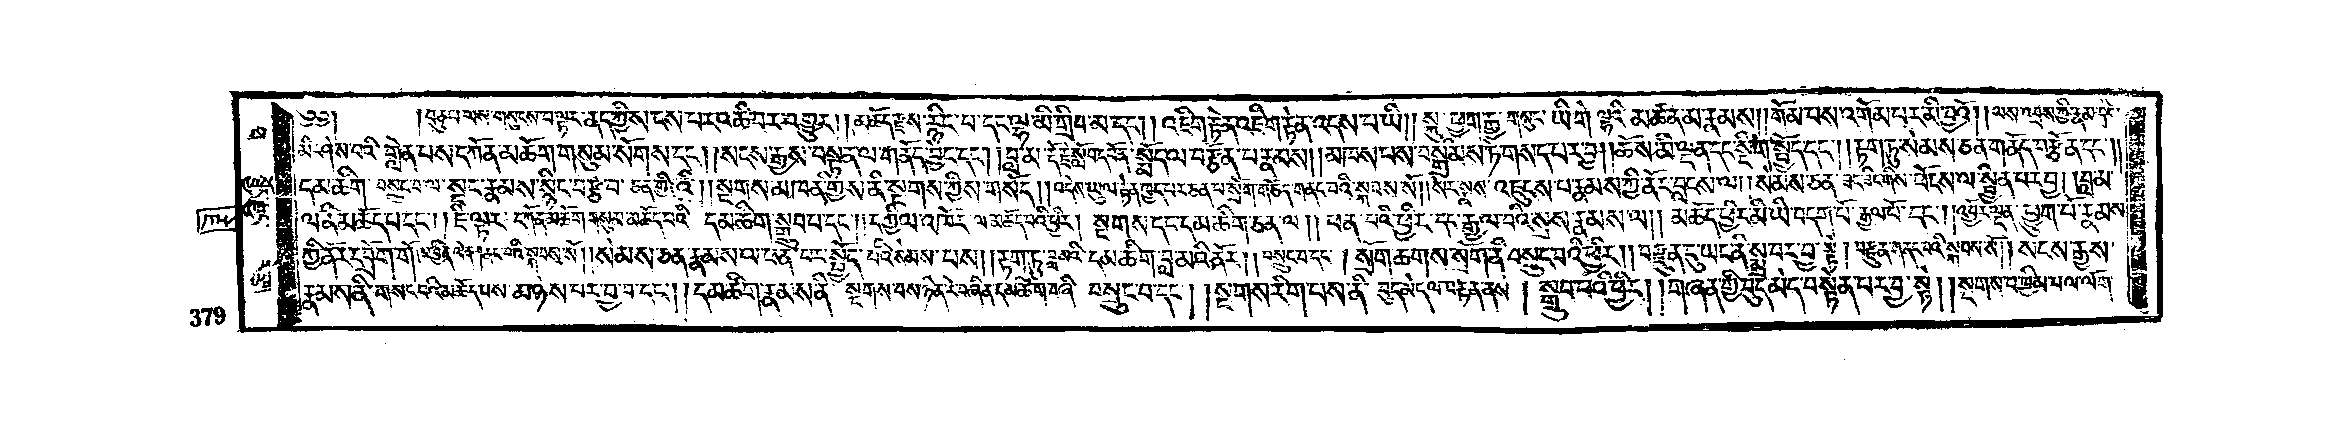༄༅། ། བཅུ་པ་ལས་གསུངས་པ་ལྟར་ནད་ཀྱིས་ངས་པར་འཆི་བར་འགྱུར། མཆོད་རྫས་རྙིང་པ་དང་ལྷ་ཡི་གྲིབ་མ་དང་། །འཇིག་རྟེན་འཇིག་རྟེན་འདས་པ་ཡི། །སྐུ་ཕྱག་རྒྱ་གསུང་ཡི་གེ་ལྷའི་མཚན་མ་རྣམས། །གོམ་པས་འགོམ་པར་མི་བྱའོ། །ལས་འབྲེས་ཀྱི་རྣམ་དབྱེ་
མི་ཤེས་པའི་གླེན་པས་དཀོན་མཆོག་གསུམ་སོགས་དང་། །སངས་རྒྱས་བསྟན་ལ་གནོད་བྱེད་དང་། །བླ་མ་རྡོ་རྗེ་སློབ་དཔོན་སྨོད་ལ་བརྩོན་པ་རྣམས། །མཁས་པས་བསྒྲིམས་ཏེ་གསད་པར་བྱ། །ཆོས་མི་ལྡན་དང་སྡིག་སྤྱོད་དང་། །རྟག་ཏུ་སེམས་ཅན་གནོད་བརྩོན་དང་། །
དམ་ཚིག་བསྲུང་བ་ལ་སྔང་རྣམས་སྙིང་བརྩེ་བ་ཅན་གྱིའི།  །སྔགས་མཁན་གྱིས་ནི་སྔགས་ཀྱིས་གསོད། ། འདེས་ཡུལ་རྟེན་ཁྱད་པར་ཅན་པ་སྲོག་གཅོད་གནང་བའི་སྐབས་སོ། །སེར་སྣས་འཇུངས་པ་རྣམས་ཀྱི་ནོར་བླངས་ལ། །སེམས་ཅན་ཟང་ཟིང་གིས་ཕོངས་ལ་སྦྱིན་པར་བྱ། །བླ་མ་
ལ་ནི་མཆོད་པ་དང་། །ཇི་ལྟར་དཀོན་མཆོག་གསུམ་མཆོད་པའི་དམ་ཚིག་སྒྲུབ་པ་དང་། །དཀྱིལ་འཁོར་ལ་མཆོད་པའི་ཕྱིར།  སྔགས་དང་དམ་ཚིག་ཅན་ལ། །ཕན་པའི་ཕྱིར་དང་རྒྱལ་བའི་སྲས་རྣམས་ལ། །མཆོད་ཕྱིར་མི་ཡི་བདག་པོ་རྒྱལ་པོ་དང་། ། འབྱོར་ལྡན་ཕྱུག་པོ་རྣམས་
ཀྱི་ནོར་དབྲོག་གོ ། མ་བྱིན་ལེན་གནང་བའི་སྐབས་སོ།  །སེམས་ཅན་རྣམས་ལ་ཕན་པར་སྤྱོད་པའི་སེམས་པས། །རྟག་ཏུ་བླ་མའི་དམ་ཚིག་བླ་མའི་ནོར། ། བསྲུང་བ་དང་།  སྲོག་ཆགས་སྲོག་ནི་བསྲུང་བའི་ཕྱིར། །བརྫུན་དུ་ཡང་ནི་སྨྲ་བར་བྱ་སྟེ། བརྫུན་གནང་བའི་སྐབས་སོ།  །སངས་རྒྱས་
རྣམས་ནི་གསང་བའི་མཆོད་པས་མཉེས་པར་བྱ་བ་དང་། །དམ་ཚིག་རྣམས་ནི་སྔགས་པས་ཉིན་རེ་བཞིན་དམ་ཚིག་བཞི་བསྲུང་བ་དང་། །སྔགས་རིག་པས་ནི་བུད་མེད་ལ་བརྟེན་ནས།  སྒྲུབ་པའི་ཕྱིར། །གཞན་གྱི་བུད་མེད་བསྟེན་པར་བྱ་སྟེ། །སྔགས་པ་ཁྱིམ་པ་ལ་ལོག་